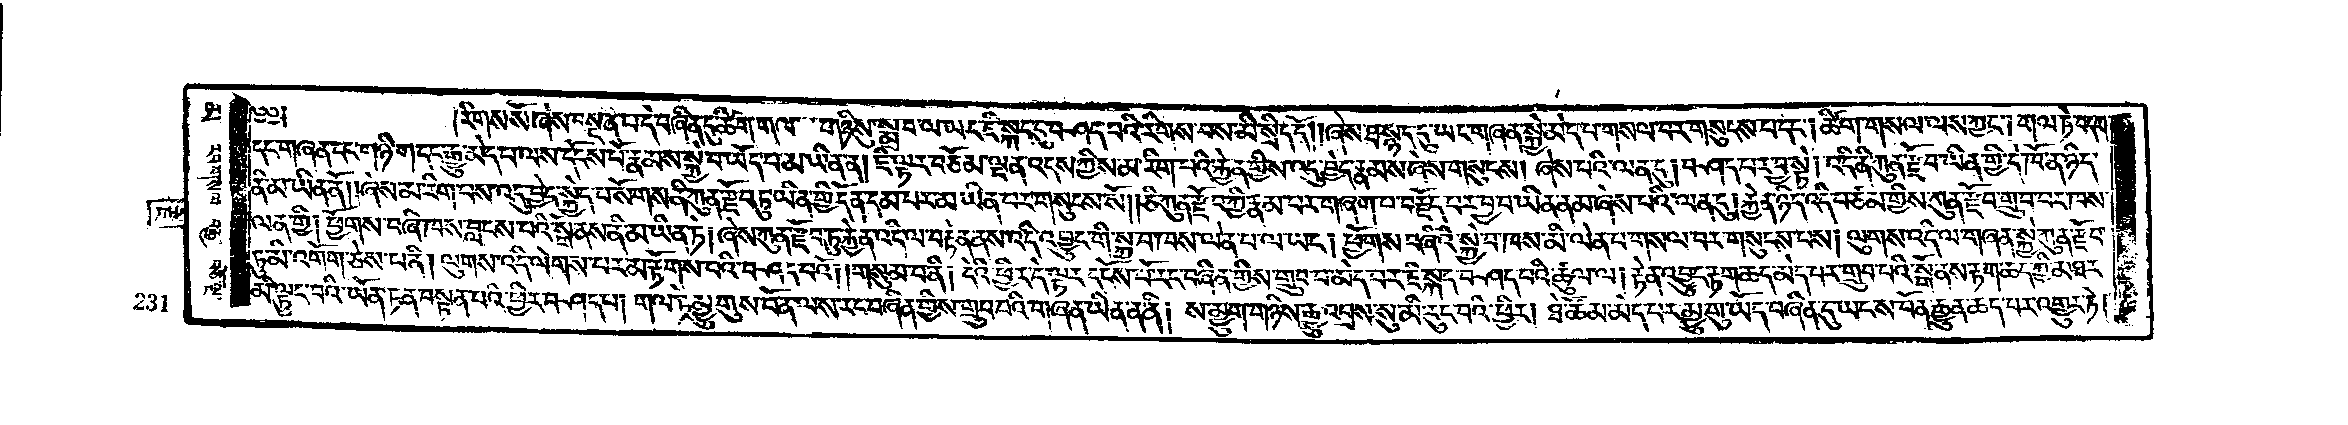༄༅། །རིགས་སོ་ཞེས་བསྟན་པ་དེ་བཞིན་དུ་ཚིག་གལ་གཉིས་སུ་སྨྲ་བ་ལ་ཡང་ཇི་སྐད་དུ་བཤད་པའི་རིགས་པས་མི་སྲིད་དོ། །ཞེས་ཐ་སྙད་དུ་ཡང་གཞན་སྐྱེ་མེད་པ་གསལ་བར་གསུངས་པ་དང་། ཚིག་གསལ་ལས་ཀྱང་། གལ་ཏེ་བདག་
དང་གཞན་དང་གཉི་ག་དང་རྒྱུ་མེད་པ་ལས་དངོས་པོ་རྣམས་སྐྱེ་བ་ཡོད་པ་མ་ཡིན་ན། ཇི་ལྟར་བཅོམ་ལྡན་འདས་ཀྱིས་མ་རིག་པའི་རྐྱེན་གྱིས་འདུ་བྱེད་རྣམས་ཞེས་གསུངས། ཞེས་པའི་ལན་དུ། བཤད་པར་བྱ་སྟེ། འདི་ནི་ཀུན་རྫོབ་ཡིན་གྱི་དེ་ཁོ་ན་ཉིད་
ནི་མ་ཡིན་ནོ། །ཞེས་མ་རིག་པས་འདུ་བྱེད་སྐྱེད་པ་སོགས་ནི་ཀུན་རྫོབ་ཏུ་ཡིན་གྱི་དོན་དམ་པར་མ་ཡིན་པར་གསུངས་སོ། །ཅི་ཀུན་རྫོབ་ཀྱི་རྣམ་པར་གཞག་པ་བརྗོད་པར་བྱ་བ་ཡིན་ནམ་ཞེས་པའི་ལན་དུ། རྐྱེན་ཉིད་འདི་པ་ཙམ་གྱིས་ཀུན་རྫོབ་གྲུབ་པར་ཁས་
ལེན་གྱི། ཕྱོགས་བཞི་ཁས་བླངས་པའི་སྒོ་ནས་ནི་མ་ཡིན་ཏེ། ཞེས་ཀུན་རྫོབ་ཏུ་རྐྱེན་འདི་ལ་བརྟེན་ནས་འདི་འབྱུང་གི་སྐྱེ་བ་ཁས་ལེན་པ་ལ་ཡང་། ཕྱོགས་བཞིའི་སྐྱེ་བ་ཁས་མི་ལེན་པ་གསལ་བར་གསུངས་པས། ལུགས་འདི་ལ་གཞན་སྐྱེ་ཀུན་རྫོབ་
ཏུ་མི་འགོག་ཅེས་པ་ནི། ལུགས་འདི་ལེགས་པར་མ་རྟོགས་པའི་བཤད་པའོ། །གསུམ་པ་ནི། དེའི་ཕྱིར་དེ་ལྟར་དངོས་པོ་རང་བཞིན་གྱིས་གྲུབ་པ་མེད་པར་ཇི་སྐད་བཤད་པའི་ཚུལ་ལ། རྟེན་འབྱུང་རྟག་ཆད་མེད་པར་གྲུབ་པའི་སྒོ་ནས་རྟག་ཆད་ཀྱི་མཐར་
མི་ལྟུང་བའི་ཡོན་ཏན་བསྟན་པའི་ཕྱིར་བཤད་པ། གལ་ཏེ་མྱུ་གུ་ས་བོན་ལས་རང་བཞིན་གྱིས་གྲུབ་པའི་གཞན་ཡིན་ན་ནི། ས་མྱུག་གཉིས་རྒྱུ་འབྲས་སུ་མི་རུང་བའི་ཕྱིར། ཐེ་ཚོམ་མེད་པར་མྱུ་གུ་ཡོད་བཞིན་དུ་ཡང་ས་བོན་རྒྱུན་ཆད་པར་འགྱུར་ཏེ།